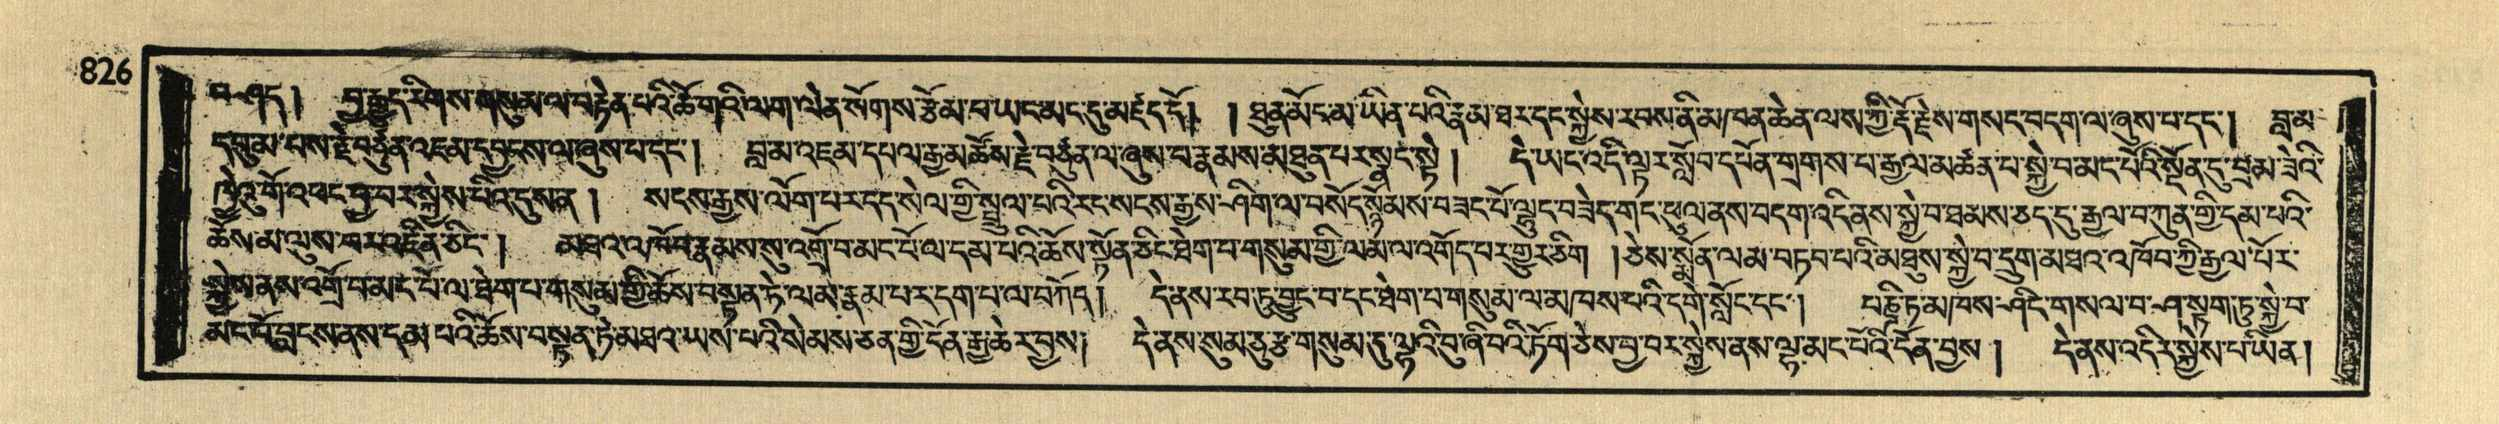བཤད། བྱ་རྒྱུད་རིགས་གསུམ་ལ་བརྟེན་པའི་ཆོ་གའི་ལག་ལེན་སོགས་རྩོམ་པ་ཡང་མང་དུ་མཛད་དོ། །ཐུན་མོང་མ་ཡིན་པའི་རྣམ་ཐར་དང་སྐྱེས་རབས་ནི་མཁན་ཆེན་ལས་ཀྱི་རྡོ་རྗེས་གསང་བདག་ལ་ཞུས་པ་དང་། བླ་མ་
དབུ་མ་པས་རྗེ་བཙུན་འཇམ་དབྱངས་ལ་ཞུས་པ་དང་། བླ་མ་འཇམ་དཔལ་རྒྱ་མཚོས་རྗེ་བཙུན་ལ་ཞུས་པ་རྣམས་མཐུན་པར་སྣང་སྟེ། དེ་ཡང་འདི་ལྟར་སློབ་དཔོན་གྲགས་པ་རྒྱལ་མཚན་པ་སྐྱེ་བ་མང་པོའི་སྔོན་དུ་བྲམ་ཟེའི་
ཁྱེའུ་གོ་འཕང་བྱ་བར་སྐྱེས་པའི་དུས་ན། སངས་རྒྱས་ལོག་པར་དད་སེལ་གྱི་སྤྲུལ་པའི་རང་སངས་རྒྱས་ཤིག་ལ་བསོད་སྙོམས་བཟང་པོ་ལྷུང་བཟེད་གང་ཕུལ་ནས་བདག་འདི་ནས་སྐྱེ་བ་ཐམས་ཅད་དུ་རྒྱལ་བ་ཀུན་གྱི་དམ་པའི་
ཆོས་མ་ལུས་བར་འཛིན་ཅིང་། མཐའ་འཁོབ་རྣམས་སུ་འགྲོ་བ་མང་པོ་ལ་དམ་པའི་ཆོས་སྟོན་ཅིང་ཐེག་པ་གསུམ་གྱི་ལམ་ལ་འགོད་པར་གྱུར་ཅིག །ཅེས་སྨོན་ལམ་བཏབ་པའི་མཐུས་སྐྱེ་བ་དྲུག་མཐའ་འཁོབ་ཀྱི་རྒྱལ་པོར་
སྐྱེས་ནས་འགྲོ་བ་མང་པོ་ལ་ཐེག་པ་གསུམ་གྱི་ཆོས་བསྟན་ཏེ་ལམ་རྣམ་པར་དག་པ་ལ་བཀོད། དེ་ནས་རབ་ཏུ་བྱུང་བ་དང་ཐེག་པ་གསུམ་ལ་མཁས་པའི་དགེ་སློང་དང་། པཎྜི་ཏ་མཁས་ཤིང་གསལ་བ་ཤ་སྟག་ཏུ་སྐྱེ་བ་
མང་པོ་བླངས་ནས་དམ་པའི་ཆོས་བསྟན་ཏེ་མཐའ་ཡས་པའི་སེམས་ཅན་གྱི་དོན་རྒྱ་ཆེར་བྱས། དེ་ནས་སུམ་ཅུ་རྩ་གསུམ་དུ་ལྷའི་བུ་ཞི་བའི་ཏོག་ཅེས་བྱ་བར་སྐྱེས་ནས་ལྷ་མང་པོའི་དོན་བྱས། དེ་ནས་འདིར་སྐྱེས་པ་ཡིན།